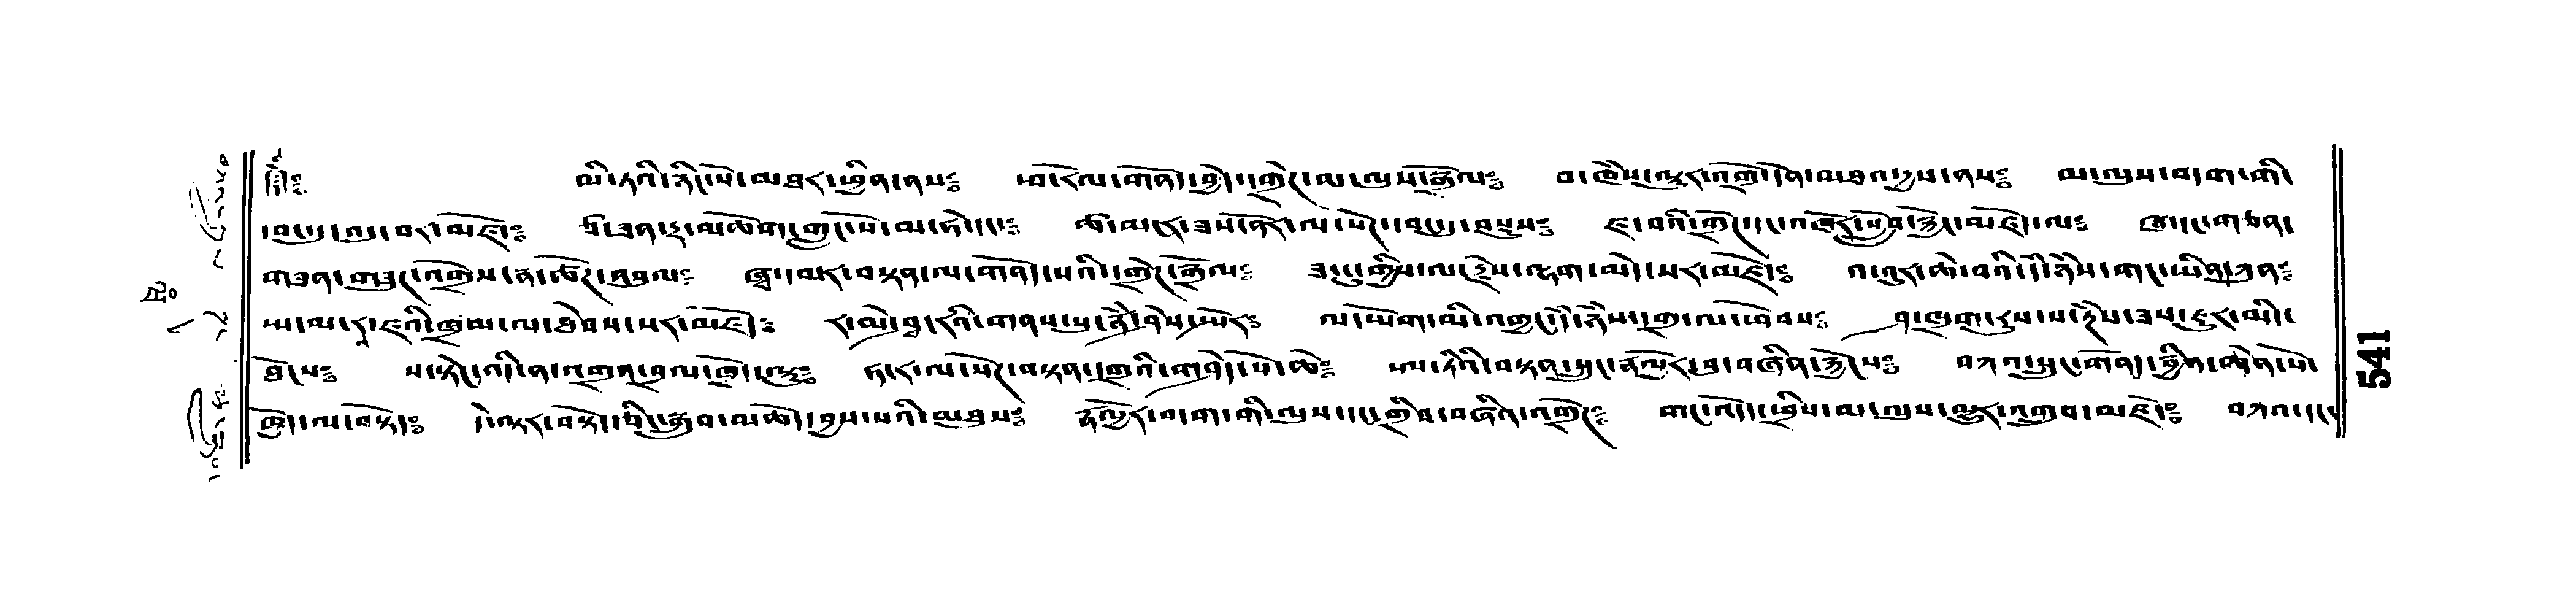མི་ཏའི་སྙིང་པོ་མཐར་ཕྱིན་ནས༔ ཕ་རོལ་གནོད་བྱེད་དགྲ་བགེགས་མ་ལུས་སྒྲོལ༔ བ་ཁམས་ལྟ་བུར་འགྲོ་དོན་མཐའ་རྒྱས་ནས༔ མ་ལུས་བདག་གི་
དབང་དུ་འདུ་བར་མཛོད༔ ཙ་ཐན་རྟ་མཆོག་གླང་པོ་མ་ཧེ་དང༔ ཚ་མངར་ཟས་ནོར་ལ་སོགས་དབང་དུ་བསྡུས༔ ཛ་བའི་གྲོགས་དང་འཁོར་སློབ་སྐྱོང་མཛོད་ལ༔ ཝ་དང་གཅན་
གཟན་གཟུགས་འགྲོས་སྣ་ཚོགས་འབུལ༔ ཞྭ་དམར་བསྟན་པ་གནོད་པའི་དགྲ་བགེགས་སྒྲོལ༔ ཟ་ངུ་གྱིས་ལ་རྗེས་ལྷག་མེད་པར་མཛོད༔ འ་འུར་ཆེ་བའི་དམ་ཉམས་གང་ཡིན་ཀུན༔ 
ཡ་མ་རཱ་ཛའི་ཁྲམ་ལ་ཐེབས་པར་མཛོད༔ ར་མེ་ཤྭ་རའི་གནས་སུ་རྣམ་ཤེས་སྤོར༔ ལ་ཡོག་མི་འགྱང་དམ་ཉམས་དགྲ་ལ་ཕོབས༔ ཤ་ཁྲག་རུས་པ་རྔམས་ཟས་ཁྱུར་མིད་
ཐོངས༔ ས་སྟེང་འདི་ན་འགྲན་བྲལ་ཁྱོད་ལྟ་བུ༔ ཧ་ར་ལ་སོགས་བསྟན་དགྲའི་གཤེད་པོ་ཆེ༔ ཨ་ཏིའི་བསྟན་སྲུང་རྣལ་འབྱོར་བུ་བཞིན་སྐྱོངས༔ བཀའ་སྲུང་གནོད་སྦྱིན་ཆེན་པོ་
ཁྱོད་ལ་བསྟོད༔ དེ་ལྟར་བསྟོད་ཅིང་སྒྲུབ་མཆོད་བྱས་པའི་མཐུས༔ རྣལ་འབྱོར་བདག་གི་ལུས་དང་གྲིབ་བཞིན་འགྲོགས༔ གང་འདོད་ཕྲིན་ལས་མ་ལུས་མྱུར་འགྲུབ་མཛོད༔ བཀའ་དང་